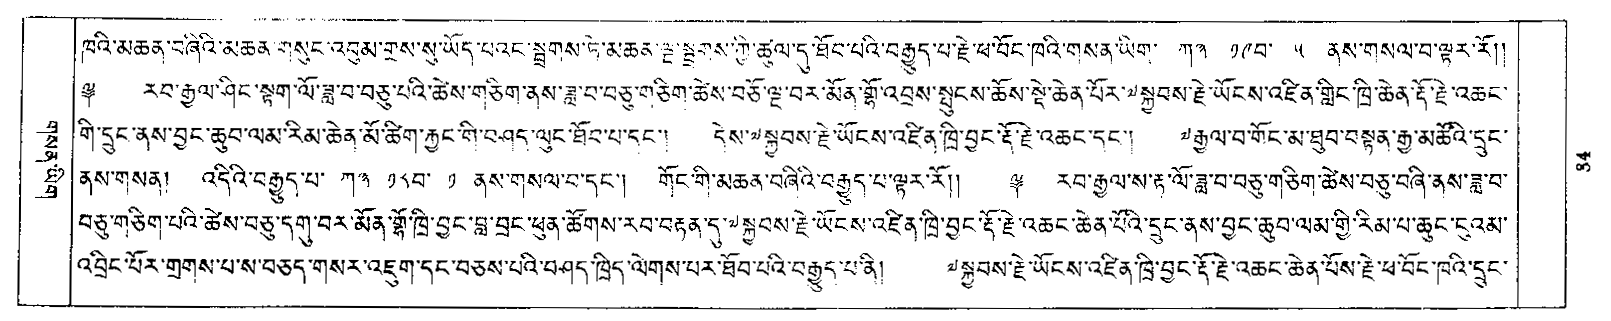ཁའི་མཆན་བཞིའི་མཆན་གསུང་འབུམ་གྲས་སུ་ཡོད་པའང་སྦྲགས་ཏེ་མཆན་ལྔ་སྦྲགས་ཀྱི་ཚུལ་དུ་ཐོབ་པའི་བརྒྱུད་པ་རྗེ་ཕ་བོང་ཁའི་གསན་ཡིག་ཀ ༣ ༡༩་བ ༥་ནས་གསལ་བ་ལྟར་རོ།།
༈ རབ་རྒྱལ་ཤིང་སྟག་ལོ་ཟླ་བ་བཅུ་པའི་ཚེས་གཅིག་ནས་ཟླ་བ་བཅུ་གཅིག་ཚེས་བཅོ་ལྔ་བར་མོན་གྷོ་འབྲས་སྤུངས་ཆོས་སྡེ་ཆེན་པོར་༧་སྐྱབས་རྗེ་ཡོངས་འཛིན་གླིང་ཁྲི་ཆེན་རྡོ་རྗེ་འཆང་
གི་དྲུང་ནས་བྱང་ཆུབ་ལམ་རིམ་ཆེན་མོ་ཚིག་རྐྱང་གི་བཤད་ལུང་ཐོབ་པ་དང་། དེས་༧་སྐྱབས་རྗེ་ཡོངས་འཛིན་ཁྲི་བྱང་རྡོ་རྗེ་འཆང་དང་། ༧་རྒྱལ་བ་གོང་མ་ཐུབ་བསྟན་རྒྱ་མཚོའི་དྲུང་
ནས་གསན། འདིའི་བརྒྱུད་པ་ཀ ༣ ༡༨་བ ༡་ནས་གསལ་བ་དང་། གོང་གི་མཆན་བཞིའི་བརྒྱུད་པ་ལྟར་རོ།། ༈ རབ་རྒྱལ་རྟ་ལོ་ཟླ་བ་བཅུ་གཅིག་ཚེས་བཅུ་བཞི་ནས་ཟླ་བ་
བཅུ་གཅིག་པའི་ཚེས་བཅུ་དགུ་བར་མོན་གྷོ་ཁྲི་བྱང་བླ་བྲང་ཕུན་ཚོགས་རབ་བརྟན་དུ་༧་སྐྱབས་རྗེ་ཡོངས་འཛིན་ཁྲི་བྱང་རྡོ་རྗེ་འཆང་ཆེན་པོའི་དྲུང་ནས་བྱང་ཆུབ་ལམ་གྱི་རིམ་པ་ཆུང་དུའམ་
འབྲིང་པོར་གྲགས་པ་ས་བཅད་གསར་འཇུག་དང་བཅས་པའི་བཤད་ཁྲིད་ལེགས་པར་ཐོབ་པའི་བརྒྱུད་པ་ནི། ༧་སྐྱབས་རྗེ་ཡོངས་འཛིན་ཁྲི་བྱང་རྡོ་རྗེ་འཆང་ཆེན་པོས་རྗེ་ཕ་བོང་ཁའི་དྲུང་